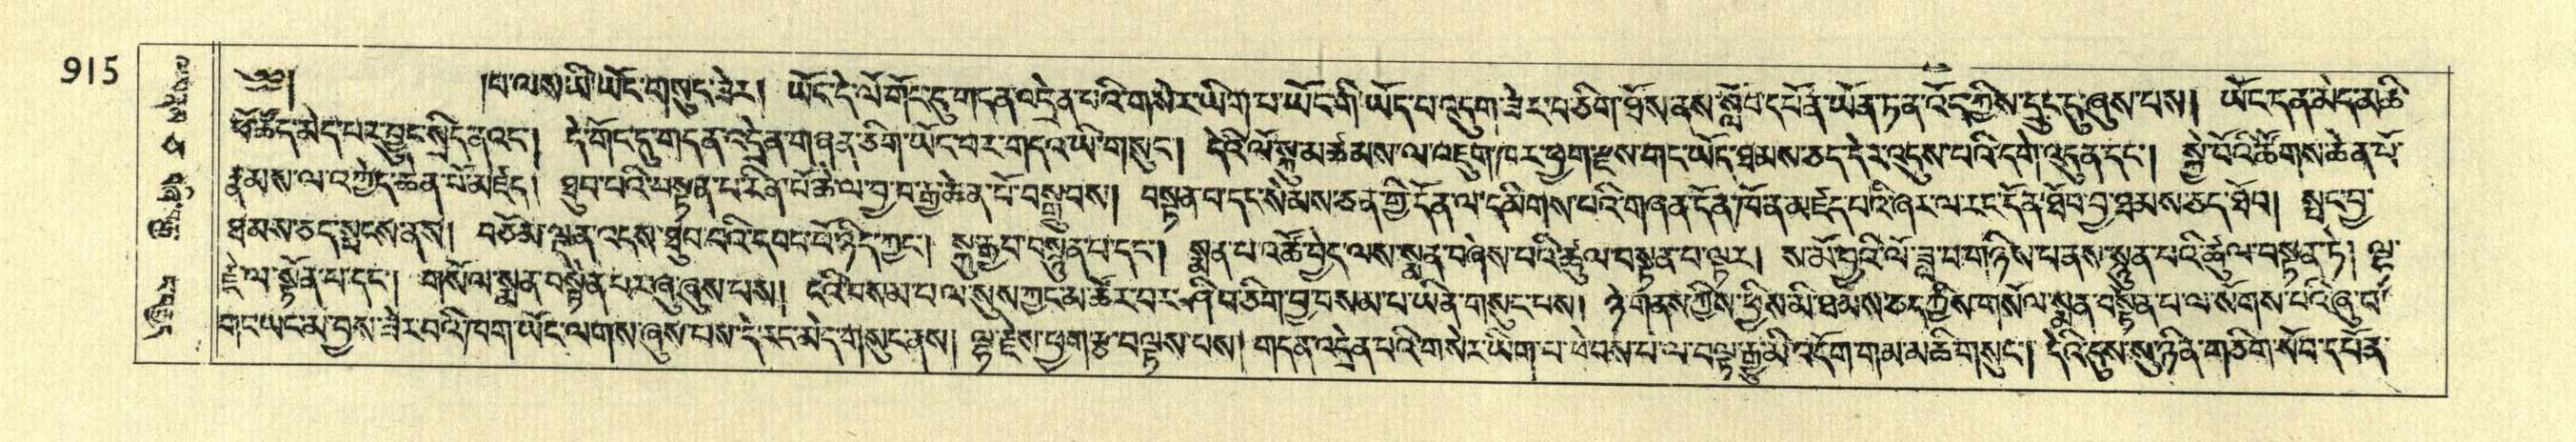༄༅། །པ་ལས་ཡི་ཡོང་གསུང་ཟེར། ཡོང་དེ་ལོ་གོང་དུ་གདན་འདྲེན་པའི་གསེར་ཡིག་པ་ཡོང་གི་ཡོད་པ་འདུག་ཟེར་བ་ཅིག་ཐོས་ནས་སློབ་དཔོན་ཡོན་ཏན་འོད་ཀྱིས་དྲུང་དུ་ཞུས་པས། ཡོང་དན་མེད་མཆི་
ཕོ་ཚོད་མེད་པར་བྱུང་སྲིད་ནའང་། དེ་གོང་དུ་གདན་འདྲེན་གཞན་ཅིག་ཡོང་བར་གདའ་ཡི་གསུང་། དེའི་ལོ་སྐུ་མཚམས་ལ་འཇུག་ཁར་ཕྱག་རྫས་གང་ཡོད་ཐམས་ཅད་དེར་འདུས་པའི་དགེ་འདུན་དང་། སྐྱེ་བོའི་ཚོགས་ཆེན་པོ་
རྣམས་ལ་འགྱེད་ཆེན་པོ་མཛད། ཐུབ་པའི་བསྟན་པ་རིན་པོ་ཆེ་ལ་བྱ་བ་རྒྱ་ཆེན་པོ་བསྒྲུབས། བསྟན་པ་དང་སེམས་ཅན་གྱི་དོན་ལ་དམིགས་པའི་གཞན་དོན་ཁོ་ན་མཛད་པའི་ཞར་ལ་རང་དོན་ཐོབ་བྱ་ཐམས་ཅད་ཐོབ། སྤང་བྱ་
ཐམས་ཅད་སྤངས་ནས། བཅོམ་ལྡན་འདས་ཐུབ་བའི་དབང་པོ་ཉིད་ཀྱང་། སྐུ་རྒྱབ་བསྙུན་པ་དང་། སྨན་པ་འཚོ་བྱེད་ལས་སྨན་བཞེས་པའི་ཚུལ་བསྟན་པ་ལྟར། ས་མོ་བྱའི་ལོ་ཟླ་པ་གཉིས་པ་ནས་སྙུན་པའི་ཚུལ་བསྟན་ཏེ། ལྷ་
རྗེ་ལ་སྟོན་པ་དང་། གསོལ་སྨན་བསྟེན་པར་ཞུ་ཞུས་པས། ངའི་བསམ་པ་ལ་སུས་ཀྱང་མ་ཚོར་བར་ཤིབ་ཅིག་བྱ་བསམ་པ་ཡིན་གསུང་པས། ཉེ་གནས་ཀྱིས་ཕྱིས་མི་ཐམས་ཅད་ཀྱིས་གསོལ་སྨན་བསྟེན་པ་ལ་སོགས་པའི་ཞུ་བ་
གང་ཡང་མ་བྱས་ཟེར་བའི་ཁག་ཡོང་ལགས་ཞུས་པས་དེ་རང་མེད་གསུང་ནས། ལྷ་རྗེས་ཕྱག་རྩ་བལྟས་པས། གདན་འདྲེན་པའི་གསེར་ཡིག་པ་ཕེབས་པ་ལ་བལྟ་རྒྱུ་མི་འདོག་གམ་མཆི་གསུང་། དེའི་དུས་སུ་ཉིན་གཅིག་སློབ་དཔོན་